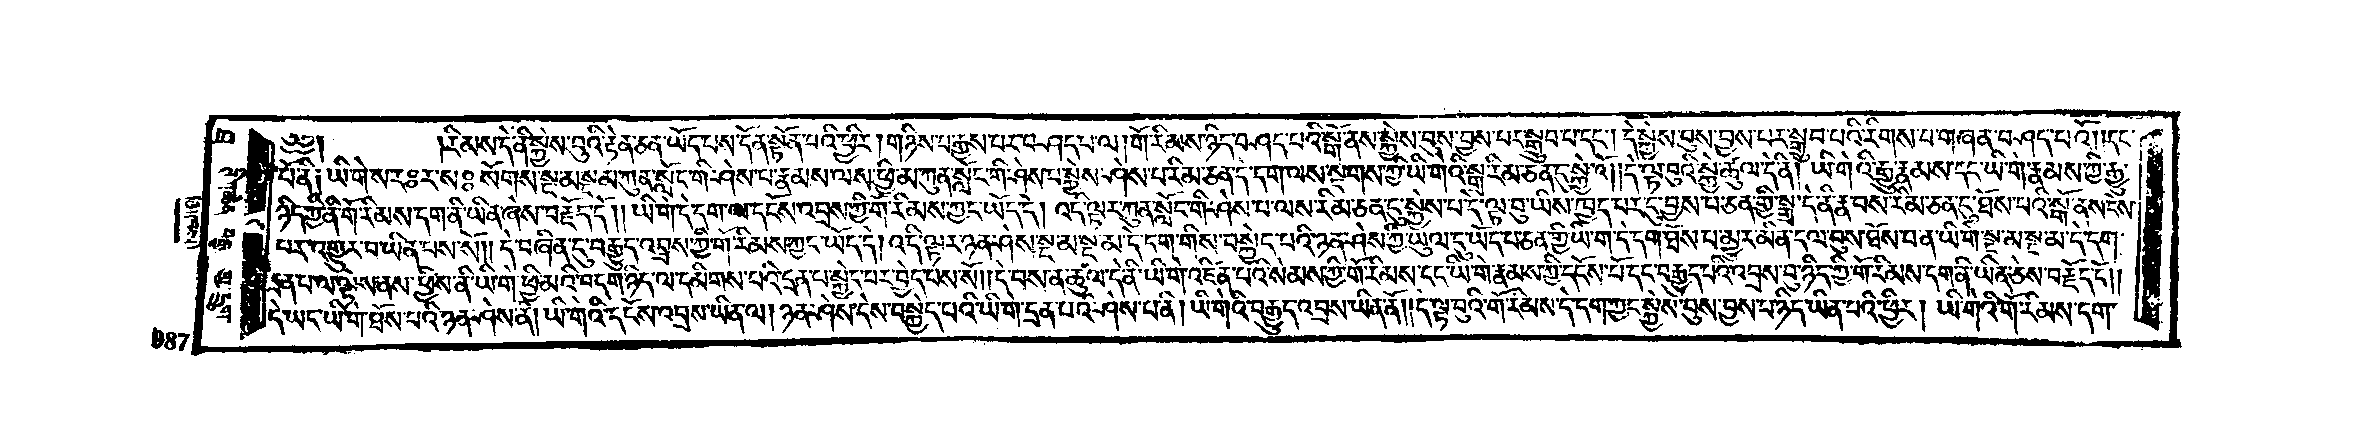༄༅། །རིམས་དེ་ནི་སྐྱེས་བུའི་རྟེན་ཅན་ཡོད་པས་དོན་སྟོན་པའི་ཕྱིར། གཉིས་པ་རྒྱས་པར་བཤད་པ་ལ། གོ་རིམས་ཉིད་བཤད་པའི་སྒོ་ནས་སྐྱེས་བུས་བྱས་པར་སྒྲུབ་པ་དང་། དེ་སྐྱེས་བུས་བྱས་པར་སྒྲུབ་པའི་རིགས་པ་གཞན་བཤད་པའོ། །དང་
པོ་ནི། ཡི་གེ་ས་རཿ ར་སཿ སོགས་སྔ་མ་སྔ་མ་ཀུན་སློང་གི་ཤེས་པ་རྣམས་ལས་ཕྱི་མ་ཀུན་སློང་གི་ཤེས་པ་སྐྱེས་ཤེས་པ་རིམ་ཅན་དེ་དག་ལས་སྔགས་ཀྱི་ཡི་གེའི་སྒྲ་རིམ་ཅན་དུ་སྐྱེ་འོ། །དེ་ལྟ་བུའི་སྐྱེ་ཚུལ་དེ་ནི། ཡི་གེའི་རྒྱུ་རྣམས་དང་ཡི་གེ་རྣམས་ཀྱི་རྒྱུ་
ཉིད་ཀྱི་ནི་གོ་རིམས་དག་ནི་ཡིན་ཞེས་བརྗོད་དོ། །ཡི་གེ་དེ་དག་ལ་དངོས་འབྲས་ཀྱི་གོ་རིམས་ཀྱང་ཡོད་དེ། འདི་ལྟར་ཀུན་སློང་གི་ཤེས་པ་ལས་རིམ་ཅན་དུ་སྐྱེས་པ་དེ་ལྟ་བུ་ཡིས་ཁྱད་པར་དུ་བྱས་པ་ཅན་གྱི་སྒྲ་དེ་ནི་རྣ་བས་རིམ་ཅན་དུ་ཐོས་པའི་སྒོ་ནས་ངེས་
པར་འགྱུར་བ་ཡིན་པས་སོ། །དེ་བཞིན་དུ་བརྒྱུད་འབྲས་ཀྱི་གོ་རིམས་ཀྱང་ཡོད་དེ། འདི་ལྟར་ཉན་ཤེས་སྔ་མ་སྔ་མ་དེ་དག་གིས་བསྐྱེད་པའི་ཉན་ཤེས་ཀྱི་ཡུལ་དུ་ཡོད་པ་ཅན་གྱི་ཡི་གེ་དེ་དག་ཐོས་པ་མྱུར་མིན་དལ་བུས་ཐོས་པ་ན་ཡི་གེ་སྔ་མ་སྔ་མ་དེ་དག་
དྲན་པ་ལ་ལྟེས་ནས་ཕྱིས་ནི་ཡི་གེ་ཕྱི་མའི་བདག་ཉིད་ལ་དམིགས་པའི་དྲན་པ་སྐྱེད་པར་བྱེད་པས་སོ། །དེ་བས་ན་ཚུལ་དེ་ནི་ཡི་གེ་འཛིན་པའི་སེམས་ཀྱི་གོ་རིམས་དང་ཡི་གེ་རྣམས་ཀྱི་དངོས་པོ་དང་བརྒྱུད་པའི་འབྲས་བུ་ཉིད་ཀྱི་གོ་རིམས་དག་ནི་ཡིན་ཅེས་བརྗོད་དོ།། དེ་ཡང་ཡི་གེ་ཐོས་པའི་ཉན་ཤེས་ནི། ཡི་གེའི་དངོས་འབྲས་ཡིན་ལ། ཉན་ཤེས་དེས་བསྐྱེད་པའི་ཡི་གེ་དྲན་པའི་ཤེས་པ་ནི། ཡི་གེའི་བརྒྱུད་འབྲས་ཡིན་ནོ། །དེ་ལྟ་བུའི་གོ་རིམས་དེ་དག་ཀྱང་སྐྱེས་བུས་བྱས་པ་ཉིད་ཡིན་པའི་ཕྱིར། ཡི་གེའི་གོ་རིམས་དག་